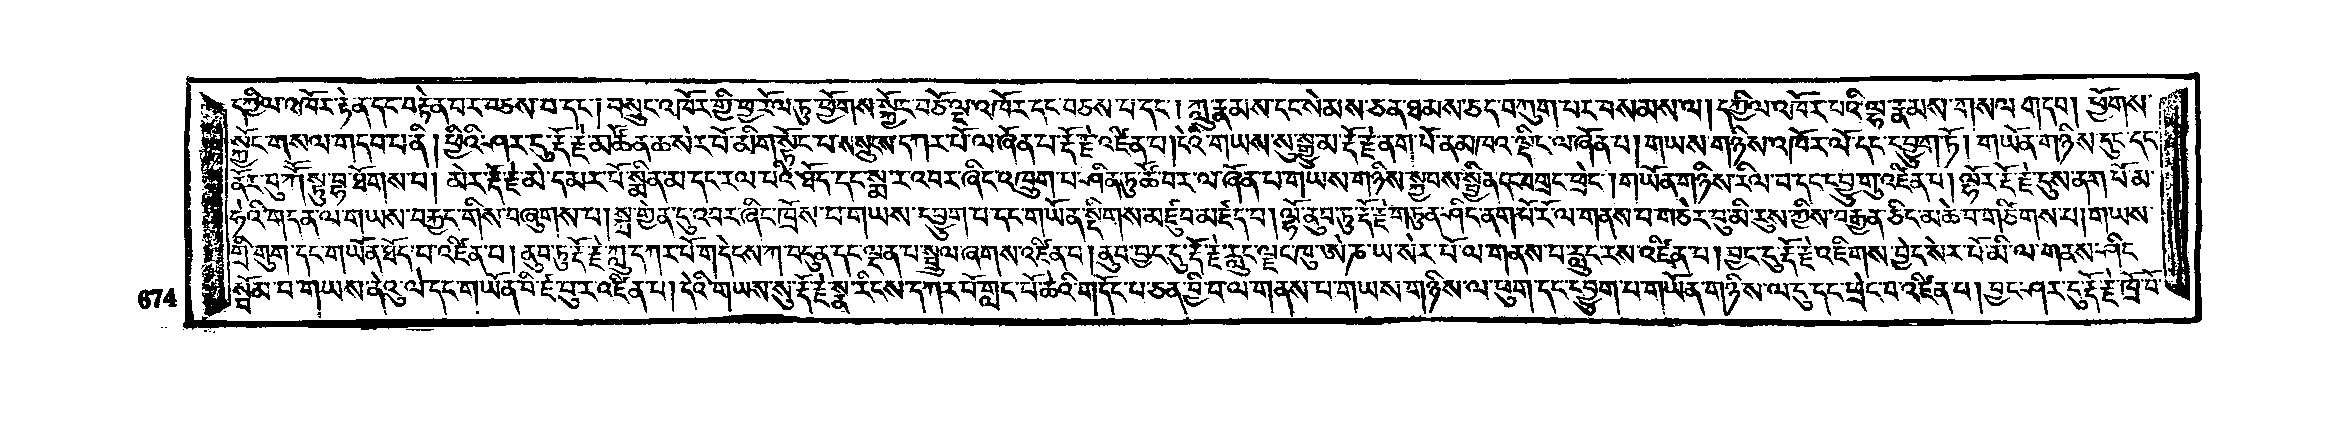དཀྱིལ་འཁོར་རྟེན་དང་བརྟེན་པར་བཅས་པ་དང་། བསྲུང་འཁོར་གྱི་ཕྱི་རོལ་ཏུ་ཕྱོགས་སྐྱོང་བཅོ་ལྔ་འཁོར་དང་བཅས་པ་དང་། ཀླུ་རྣམས་དང་སེམས་ཅན་ཐམས་ཅད་བཀུག་པར་བསམས་ལ། དཀྱིལ་འཁོར་པའི་ལྷ་རྣམས་གསལ་གདབ། ཕྱོགས་
སྐྱོང་གསལ་གདབ་པ་ནི། ཕྱིའི་ཤར་དུ་རྡོ་རྗེ་མཚོན་ཆ་སེར་པོ་མིག་སྟོང་པ་ས་སྲུངས་དཀར་པོ་ལ་ཞོན་པ་རྡོ་རྗེ་འཛིན་པ། དེའི་གཡས་སུ་སྒྱུ་མ་རྡོ་རྗེ་ནག་པོ་ནམ་མཁའ་ལྡིང་ལ་ཞོན་པ། གཡས་གཉིས་འཁོར་ལོ་དང་དབྱུག་ཏོ། གཡོན་གཉིས་དུང་དང་
ནོར་བུ་ཀཽ་སྟུ་བྷ་ཐོགས་པ། མེར་རྡོ་རྗེ་མེ་དམར་པོ་སྨིན་མ་དང་རལ་པའི་ཐོད་དང་སྨ་ར་འབར་ཞིང་འཁྲུག་པ་ཤིན་ཏུ་ཚོ་བར་ལ་ཞོན་པ་གཡས་གཉིས་སྐྱབས་སྦྱིན་དང་བགྲང་ཕྲེང་། གཡོན་གཉིས་རིལ་བ་དང་དབྱུ་གུ་འཛིན་པ། ལྷོར་རྡོ་རྗེ་དུས་ནག་པོ་མ་
ཧེའི་གདན་ལ་གཡས་བརྐྱང་གིས་བཞུགས་པ། སྐྲ་གྱེན་དུ་འབར་ཞིང་ཁྲོས་པ་གཡས་དབྱུག་པ་དང་གཡོན་སྡིགས་མཛུབ་མཛད་པ། ལྷོ་ནུབ་ཏུ་རྡོ་རྗེ་གཏུན་ཤིང་ནག་པོ་རོ་ལ་གནས་པ་གཅེར་བུ་མི་རུས་ཀྱིས་བརྒྱན་ཅིང་མཆེ་བ་གཙིགས་པ། གཡས་
གྲི་གུག་དང་གཡོན་ཐོད་པ་འཛིན་པ། ནུབ་ཏུ་རྡོ་རྗེ་ཀླུ་དཀར་པོ་གདེངས་ཀ་བདུན་དང་ལྡན་པ་སྦྲུལ་ཞགས་འཛིན་པ། ནུབ་བྱང་དུ་རྡོ་རྗེ་རླུང་ལྗང་ཁུ་ཨེ་ཎ་ཡ་སེར་པོ་ལ་གནས་པ་རླུང་རས་འཛིན་པ། བྱང་དུ་རྡོ་རྗེ་འཇིགས་བྱེད་སེར་པོ་མི་ལ་གནས་ཤིང་
སྦོམ་པ་གཡས་ནེའུ་ལེ་དང་གཡོན་བི་ཛ་པུ་ར་འཛིན་པ། དེའི་གཡས་སུ་རྡོ་རྗེ་སྣ་རིངས་དཀར་པོ་གླང་པོ་ཆེའི་གདོང་པ་ཅན་ལ་གནས་པ་གཡས་གཉིས་ལ་ཕུག་དང་དབྱུག་པ་གཡོན་གཉིས་ལ་དུ་དང་ཕྲེང་བ་འཛིན་པ། བྱང་ཤར་དུ་རྡོ་རྗེ་ཁྲོ་བོ་